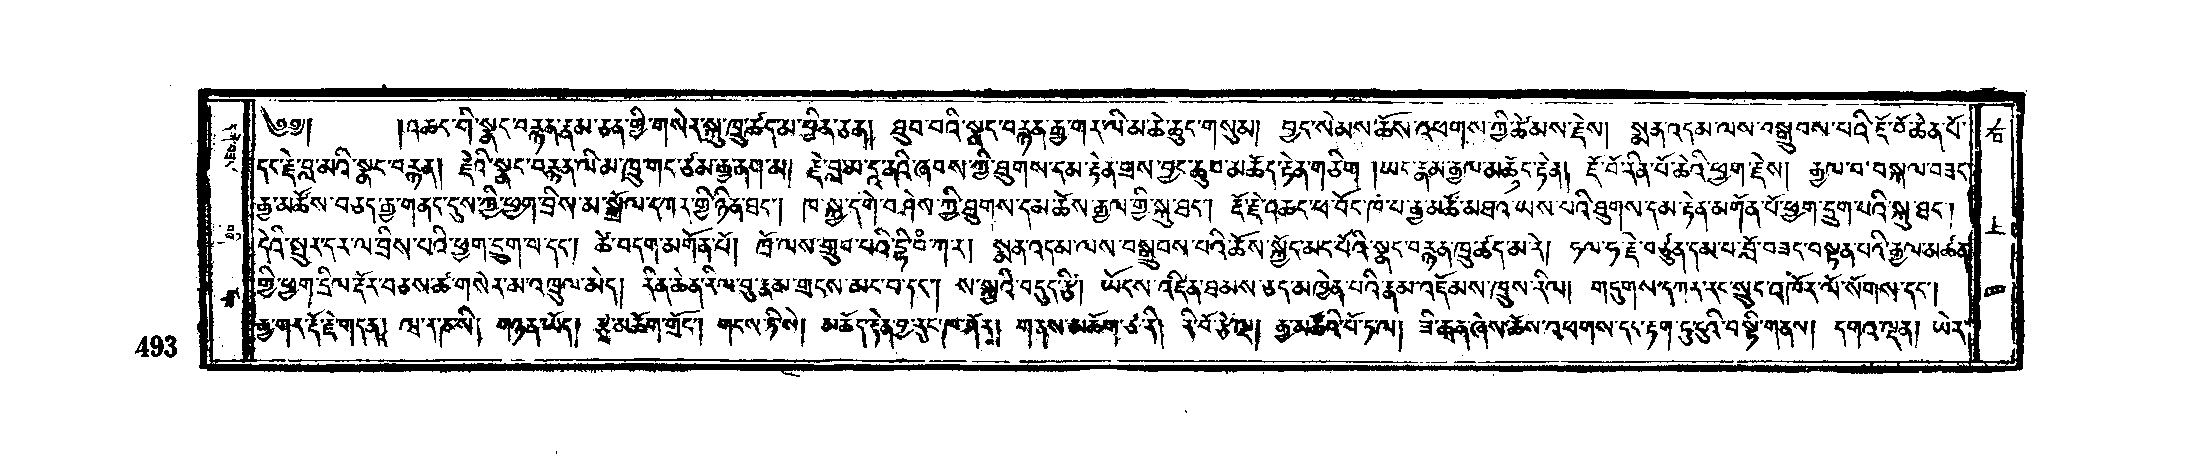༄༅། །འཆང་གི་སྣང་བརྙན་རྣམ་ཅན་གྱི་གསེར་སྐུ་ཁྲུ་ཚད་མ་བྱིན་ཅན། ཐུབ་པའི་སྣང་བརྙན་རྒྱ་གར་ལི་མ་ཆེ་ཆུང་གསུམ། བྱང་སེམས་ཆོས་འཕགས་ཀྱི་ཚེམས་རྗེས། སྨན་འདམ་ལས་བསྒྲུབས་པའི་ཇོ་བོ་ཆེན་པོ་
དང་རྗེ་བླ་མའི་སྣང་བརྙན། རྗེའི་སྣང་བརྙན་ལི་མ་ཁྲུ་གང་ཙམ་རྒྱ་ནག་མ། རྗེ་བླ་མ་དཱ་ནའི་ཞབས་ཀྱི་ཐུགས་དམ་རྟེན་གྲས་བྱང་ཆུབ་མཆོད་རྟེན་གཅིག །ཡང་རྣམ་རྒྱལ་མཆོད ༡་རྟེན། ཇོ་བོ་རིན་པོ་ཆེའི་ཕྱག་རྗེས། རྒྱལ་བ་བསྐལ་བཟང་
རྒྱ་མཚོས་བཅད་རྒྱ་གནང་དུས་ཀྱི་ཕྱག་བྲིས་མ་སྒྲོལ་དཀར་གྱི་ཉིན་ཐང་། ཁ་སྐྱ་དགེ་བཤེས་ཀྱི་ཐུགས་དམ་ཆོས་རྒྱལ་གྱི་སྐུ་ཐང་། རྡོ་རྗེ་འཆང་ཕ་བོང་ཁ་པ་རྒྱ་མཚོ་མཐའ་ཡས་པའི་ཐུགས་དམ་རྟེན་མགོན་པོ་ཕྱག་དྲུག་པའི་སྐུ་ཐང་།
དེའི་སྤུར་དར་ལ་བྲིས་པའི་ཕྱག་དྲུག་པ་དང་། ཚེ་བདག་མགོན་པོ། ཁྲོ་ལས་གྲུབ་པའི་དྷི་བཾ་ཀ་ར། སྨན་འདམ་ལས་བསྒྲུབས་པའི་ཆོས་སྐྱོང་མང་པོའི་སྣང་བརྙན་ཁྲུ་ཚད་མ་རེ། ཧལ་ཧ་རྗེ་བཙུན་དམ་པ་བློ་བཟང་བསྟན་པའི་རྒྱལ་མཚན་
གྱི་ཕྱག་དྲིལ་རྡོར་བཅས་ཚ་གསེར་མ་འཁྲུལ་མེད། རིན་ཆེན་རིལ་བུ་རྣམ་གྲངས་མང་བ་དང་། ས་སྐྱའི་བདུད་རྩི། ཡོངས་འཛིན་ཐམས་ཅད་མཁྱེན་པའི་རྣམ་འཇོམས་ཁྲུས་རིལ། གདུགས་དཀར་རང་སྲུང་འཁོར་ལོ་སོགས་དང་།
རྒྱ་གར་རྡོ་རྗེ་གདན། ཝ་ར་ཎ་སི། གཉན་ཡོད། རྩྭ་མཆོག་གྲོང་། གངས་ཏི་སེ། མཆོད་རྟེན་བྱ་རུང་ཁ་ཤོར། གནས་མཆོག་ཙ་རི། རི་བོ་རྩེ་ལྔ། རྒྱ་མཚོའི་པོ་ཏ་ལ། ཟི་ཆྭན?་ཞེས་ཆོས་འཕགས་དང་རྟག་ཏུ་ངུའི་བསྟི་གནས། དགའ་ལྡན། ཡེར་